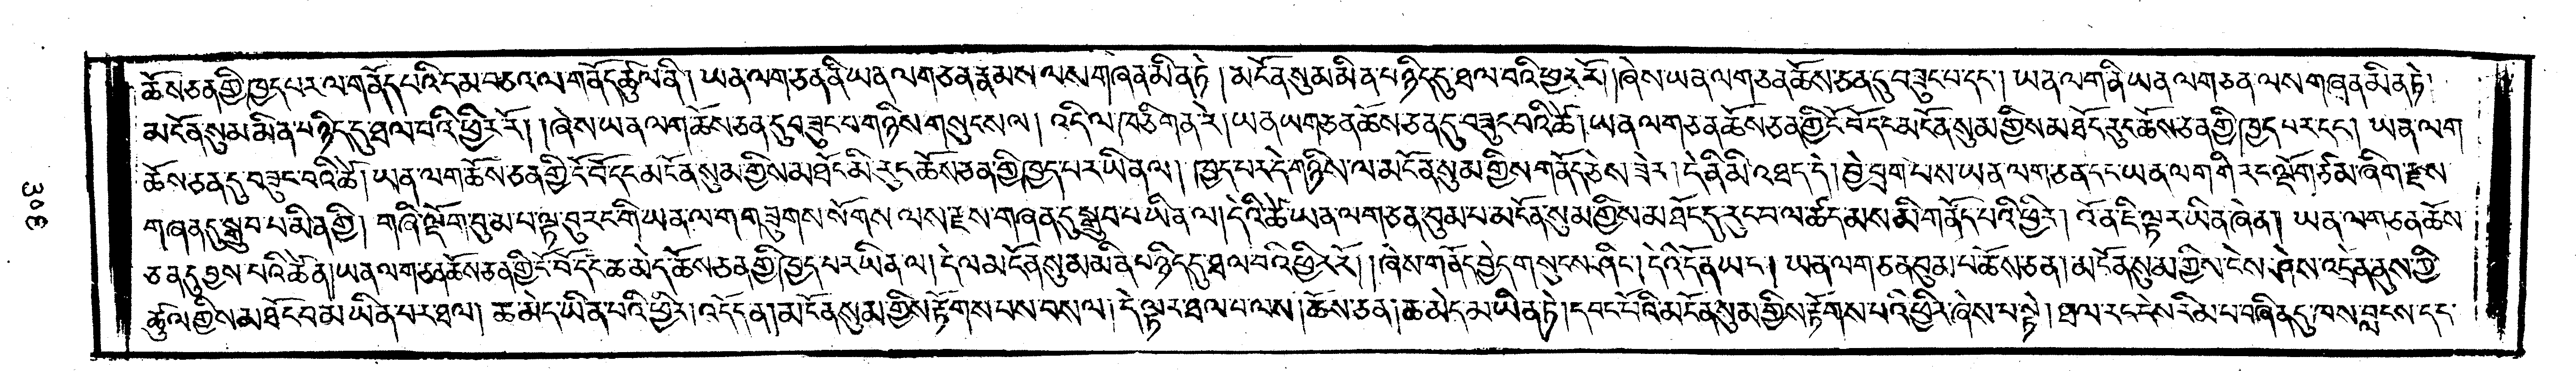ཆོས་ཅན་གྱི་ཁྱད་པར་ལ་གནོད་པའི་དམ་བཅའ་ལ་གནོད་ཚུལ་ནི། ཡན་ལག་ཅན་ནི་ཡན་ལག་ཅན་རྣམས་ལས་གཞན་མིན་ཏེ། མངོན་སུམ་མིན་པ་ཉིད་དུ་ཐལ་བའི་ཕྱིར་རོ། །ཞེས་ཡན་ལག་ཅན་ཆོས་ཅན་དུ་བཟུང་བ་དང་། ཡན་ལག་ནི་ཡན་ལག་ཅན་ལས་གཞན་མིན་ཏེ།
མངོན་སུམ་མིན་པ་ཉིད་དུ་ཐལ་བའི་ཕྱིར་རོ། །ཞེས་ཡན་ལག་ཆོས་ཅན་དུ་བཟུང་བ་གཉིས་གསུངས་ལ། འདི་ལ་ཁ་ཅིག་ན་རེ། ཡན་ལག་ཅན་ཆོས་ཅན་དུ་བཟུང་བའི་ཚེ། ཡན་ལག་ཅན་ཆོས་ཅན་གྱི་ངོ་བོ་དང་མངོན་སུམ་གྱིས་མཐོང་རུང་ཆོས་ཅན་གྱི་ཁྱད་པར་དང་། ཡན་ལག་
ཆོས་ཅན་དུ་བཟུང་བའི་ཚེ། ཡན་ལག་ཆོས་ཅན་གྱི་ངོ་བོ་དང་མངོན་སུམ་གྱིས་མཐོང་མི་རུང་ཆོས་ཅན་གྱི་ཁྱད་པར་ཡིན་ལ། ཁྱད་པར་དེ་གཉིས་ལ་མངོན་སུམ་གྱིས་གནོད་ཅེས་ཟེར། དེ་ནི་མི་འཐད་དེ། བྱེ་བྲག་པས་ཡན་ལག་ཅན་དང་ཡན་ལག་གི་རང་ལྡོག་ཙམ་ཞིག་རྫས་
གཞན་དུ་སྒྲུབ་པ་མིན་གྱི། གཞི་ལྡོག་བུམ་པ་ལྟ་བུ་རང་གི་ཡན་ལག་གཟུགས་སོགས་ལས་རྫས་གཞན་དུ་སྒྲུབ་པ་ཡིན་ལ། དེའི་ཚེ་ཡན་ལག་ཅན་བུམ་པ་མངོན་སུམ་གྱིས་མཐོང་དུ་རུང་བ་ལ་ཚད་མས་མི་གནོད་པའི་ཕྱིར། འོ་ན་ཇི་ལྟར་ཡིན་ཞེ་ན། ཡན་ལག་ཅན་ཆོས་
ཅན་དུ་བྱས་པའི་ཚེ་ན། ཡན་ལག་ཅན་ཆོས་ཅན་གྱི་ངོ་བོ་དང་ཆ་མེད་ཆོས་ཅན་གྱི་ཁྱད་པར་ཡིན་ལ། དེ་ལ་མངོན་སུམ་མིན་པ་ཉིད་དུ་ཐལ་བའི་ཕྱིར་རོ། །ཞེས་གནོད་བྱེད་གསུངས་ཤིང་། དེའི་དོན་ཡང་། ཡན་ལག་ཅན་བུམ་པ་ཆོས་ཅན། མངོན་སུམ་གྱིས་ངེས་ཤེས་འདྲེན་ནུས་ཀྱི་
ཚུལ་གྱིས་མཐོང་བ་མ་ཡིན་པར་ཐལ། ཆ་མེད་ཡིན་པའི་ཕྱིར། འདོད་ན། མངོན་སུམ་གྱིས་རྟོགས་པས་བསལ། དེ་ལྟར་ཐལ་བ་ལས། ཆོས་ཅན། ཆ་མེད་མ་ཡིན་ཏེ། དབང་པོའི་མངོན་སུམ་གྱིས་རྟོགས་པའི་ཕྱིར་ཞེས་པ་སྟེ། ཐལ་རང་དེས་རིམ་པ་བཞིན་དུ་ཁས་བླངས་དང་